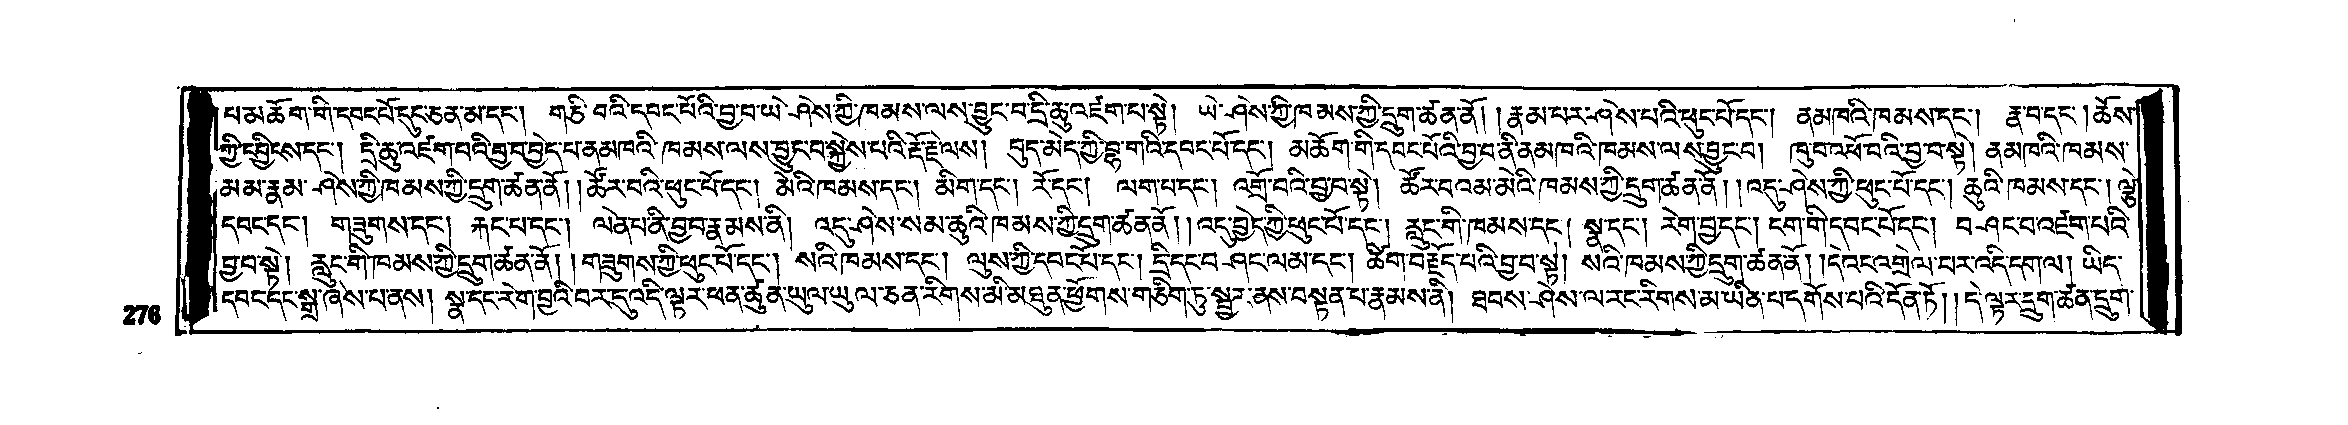པ་མཆོག་གི་དབང་པོ་དུད་ཅན་མ་དང་། གཅི་པའི་དབང་པོའི་བྱ་བ་ཡེ་ཤེས་ཀྱི་ཁམས་ལས་བྱུང་བ་དྲི་ཆུ་འཛག་པ་སྟེ། ཡེ་ཤེས་ཀྱི་ཁམས་ཀྱི་དྲུག་ཚན་ནོ། །རྣམ་པར་ཤེས་པའི་ཕུང་པོ་དང་། ནམ་མཁའི་ཁམས་དང་། རྣ་བ་དང་། ཆོས་
ཀྱི་དབྱིངས་དང་། དྲི་ཆུ་འཛག་པའི་བྱ་བ་བྱེད་པ་ནམ་མཁའི་ཁམས་ལས་བྱུང་བ་སྐྱེས་པའི་རྡོ་རྗེའམ། བུད་མེད་ཀྱི་བྷ་གའི་དབང་པོ་དང་། མཆོག་གི་དབང་པོའི་བྱ་བ་ནི་ནམ་མཁའི་ཁམས་ལས་བྱུང་བ། ཁུ་བ་འཕོ་བའི་བྱ་བ་སྟེ། ནམ་མཁའི་ཁམས་
སམ་རྣམ་ཤེས་ཀྱི་ཁམས་ཀྱི་དྲུག་ཚན་ནོ། །ཚོར་བའི་ཕུང་པོ་དང་། མེའི་ཁམས་དང་། མིག་དང་། རོ་དང་། ལག་པ་དང་། འགྲོ་བའི་བྱ་བ་སྟེ། ཚོར་བའམ་མེའི་ཁམས་ཀྱི་དྲུག་ཚན་ནོ། །འདུ་ཤེས་ཀྱི་ཕུང་པོ་དང་། ཆུའི་ཁམས་དང་། ལྕེ་
དབང་དང་། གཟུགས་དང་། རྐང་པ་དང་། ལེན་པའི་བྱ་བ་རྣམས་ནི། འདུ་ཤེས་སམ་ཆུའི་ཁམས་ཀྱི་དྲུག་ཚན་ནོ། །འདུ་བྱེད་ཀྱི་ཕུང་པོ་དང་། རླུང་གི་ཁམས་དང་། སྣ་དང་། རེག་བྱ་དང་། ངག་གི་ཨདབང་པོ་དང་། བཤད་པ་འཛག་པའི་
བྱ་བ་སྟེ། རླུང་གི་ཁམས་ཀྱི་དྲུག་ཚན་ནོ། །གཟུགས་ཀྱི་ཕུང་པོ་དང་། སའི་ཁམས་དང་། ལུས་ཀྱི་དབང་པོ་དང་། དྲི་དང་བཤད་ལམ་དང་། ཚིག་བརྗོད་པའི་བྱ་བ་སྟེ། སའི་ཁམས་ཀྱི་དྲུག་ཚན་ནོ། །དེའང་འགྲེལ་པར་འདི་དག་ལ། ཡིད་
དེའང་དང་སྒྲ་ཞེས་པ་ནས། སྣ་དང་རེག་བྱའི་བར་དུ་འདི་ལྟར་ཕན་ཚུན་ཡུལ་ཡུལ་ཅན་རིགས་མི་མཐུན་ཕྱོགས་གཅིག་ཏུ་སྦྱར་ནས་བསྟན་པ་རྣམས་ནི། ཐབས་ཤེས་ལ་རང་རིགས་མ་ཡིན་པ་དགོས་པའི་དོན་ཏོ། །དེ་ལྟར་དྲུག་ཚན་དྲུག་